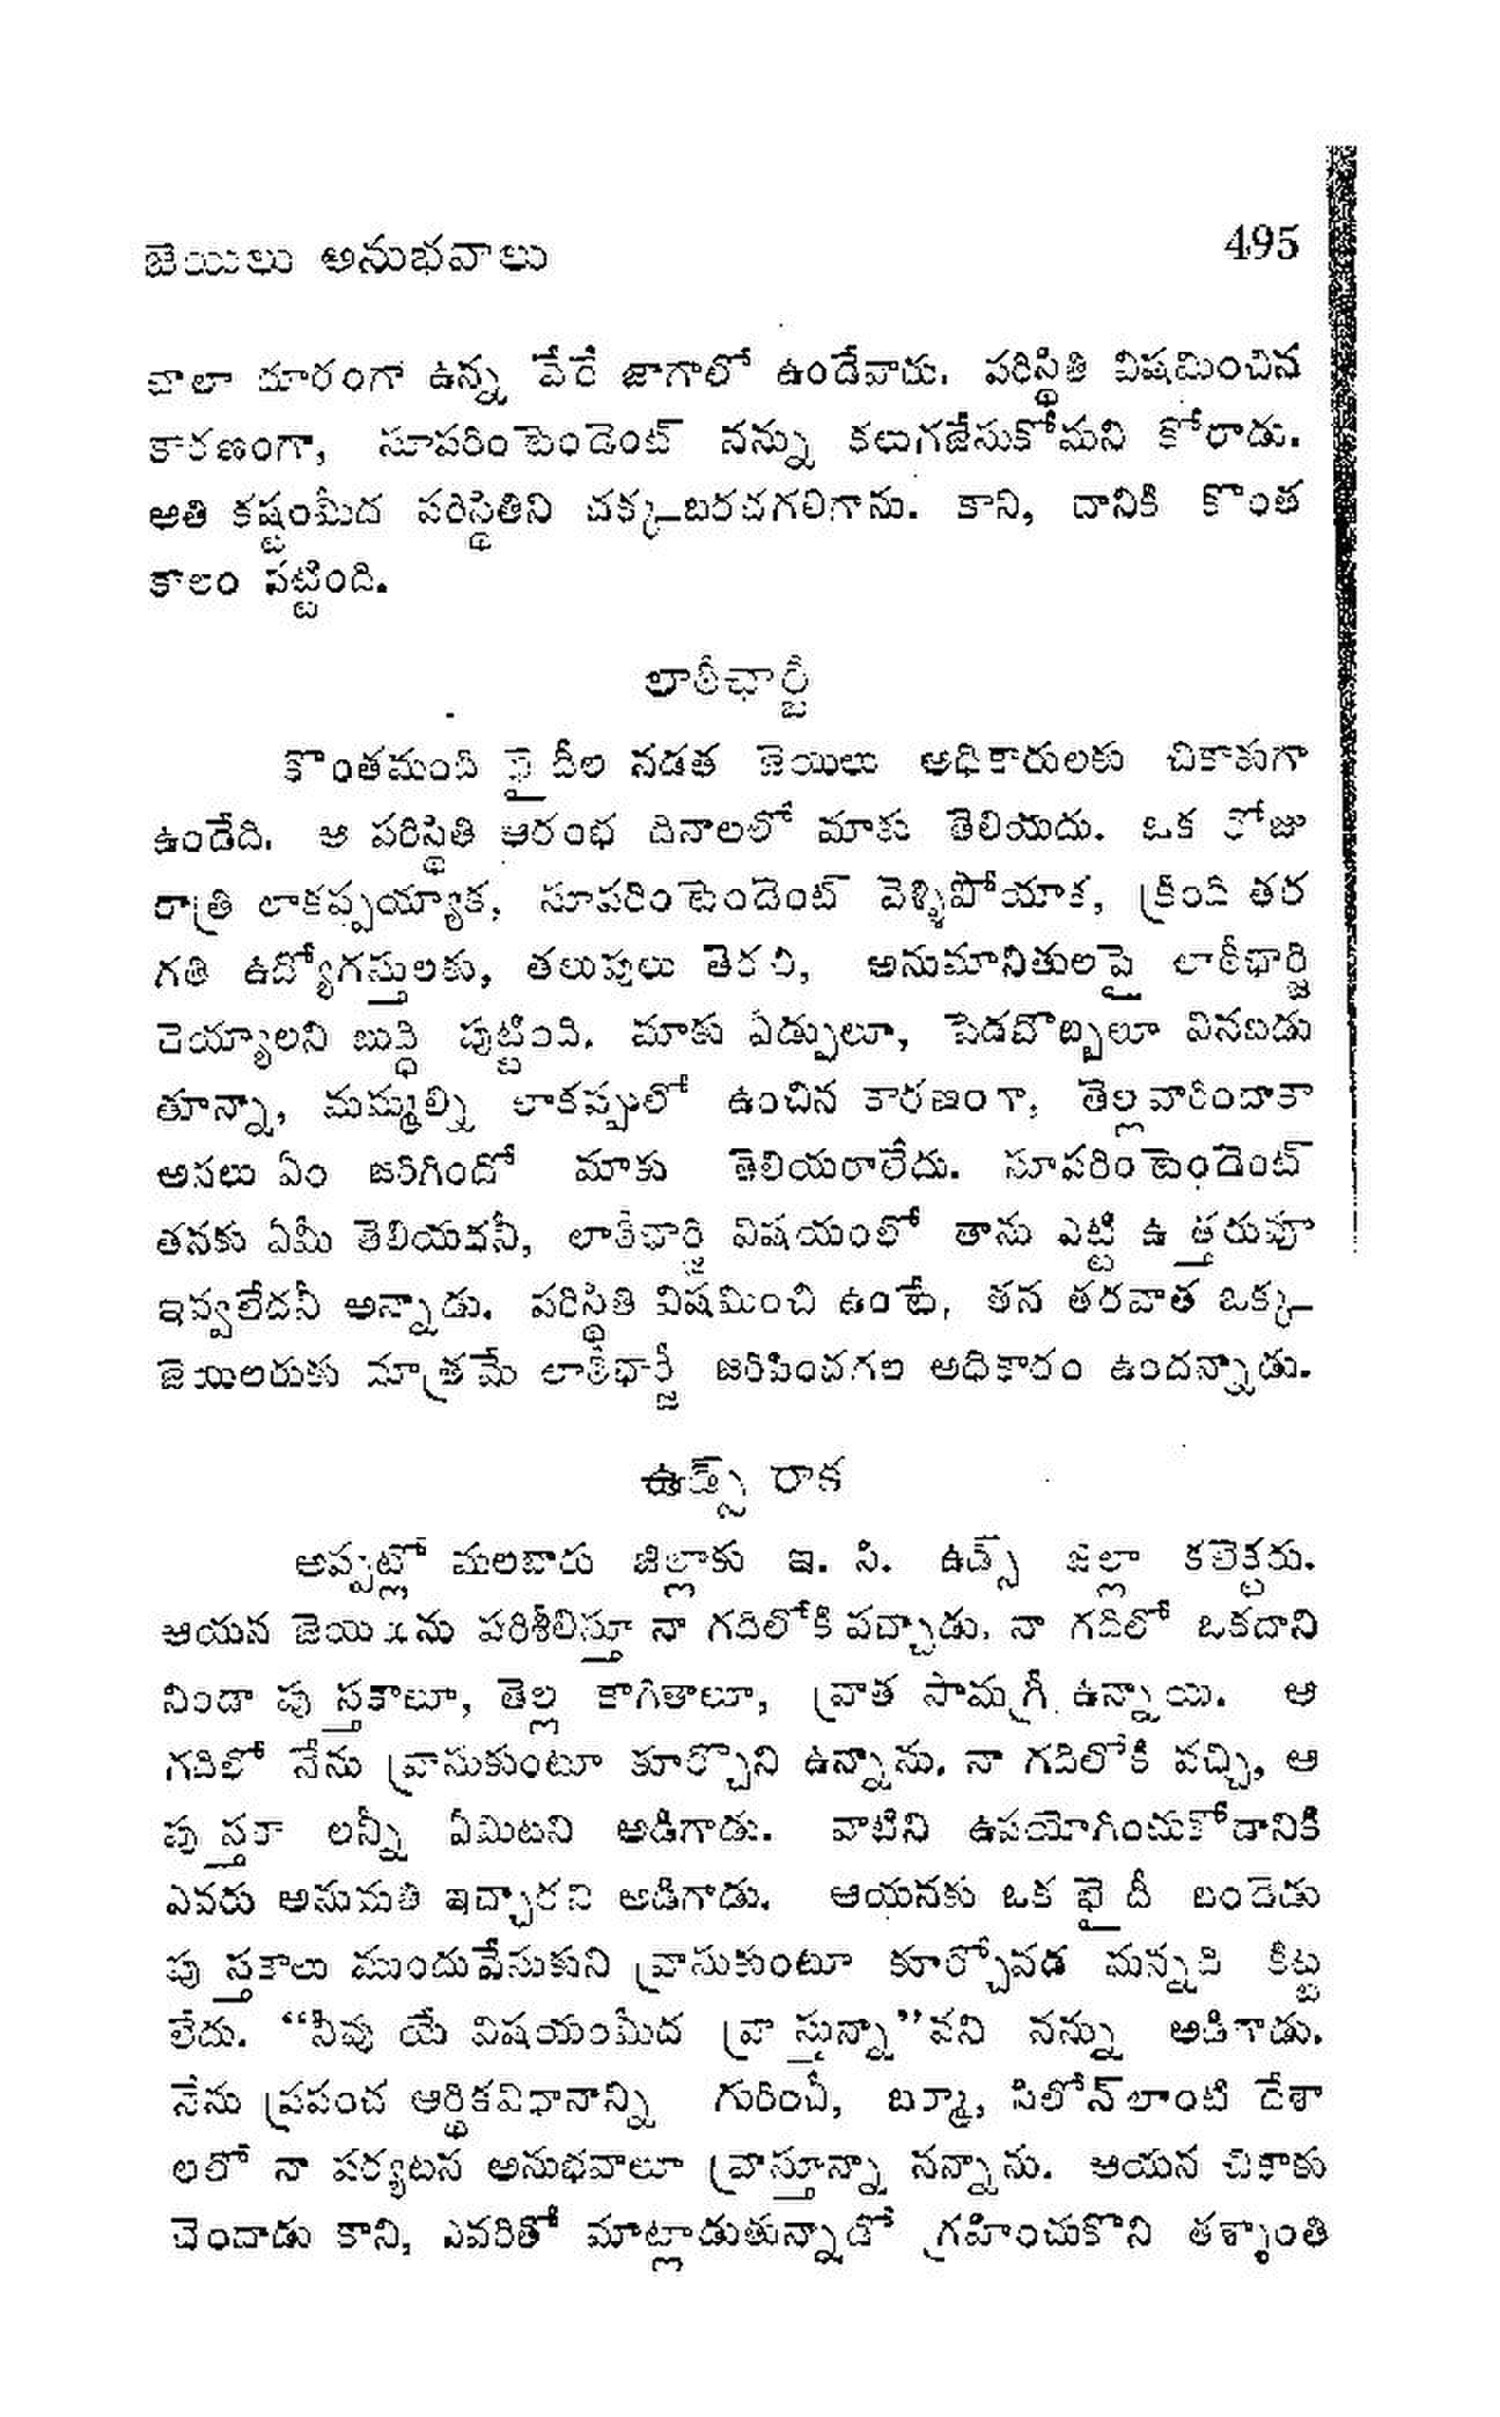చాలా దూరంగా ఉన్న వేరే జాగాలో ఉండేవారు. పరిస్థితి విషమించిన కారణంగా, సూపరింటెండెంట్ నన్ను కలుగజేసుకోమని కోరాడు. అతి కష్టంమీద పరిస్థితిని చక్కబరచగలిగాను. కాని, దానికి కొంత కాలం పట్టింది.

కొంతమంది ఖైదీల నడత జెయిలు అధికారులకు చికాకుగా ఉండేది. ఆ పరిస్థితి ఆరంభ దినాలలో మాకు తెలియదు. ఒక రోజు రాత్రి లాకప్పయ్యాక, సూపరింటెండెంట్ వెళ్ళిపోయాక, క్రింది తరగతి ఉద్యోగస్తులకు, తలుపులు తెరచి, అనుమానితులపై లాఠీఛార్జి చెయ్యాలని బుద్ధి పుట్టింది. మాకు ఏడ్పులూ, పెడబొబ్బలూ వినబడుతూన్నా, మమ్మల్ని లాకప్పులో ఉంచిన కారణంగా, తెల్లవారిందాకా అసలు ఏం జరిగిందో మాకు తెలియ రాలేదు. సూపరింటెండెంట్ తనకు ఏమీ తెలియదనీ, లాఠీఛార్జి విషయంలో తాను ఎట్టి ఉత్తరువూ ఇవ్వలేదనీ అన్నాడు. పరిస్థితి విషమించి ఉంటే, తన తరవాత ఒక్క జెయిలరుకు మాత్రమే లాఠీఛార్జీ జరిపించగల అధికారం ఉందన్నాడు.

అప్పట్లో మలబారు జిల్లాకు ఇ. సి. ఉడ్స్ జిల్లా కలెక్టరు. ఆయన జెయిలును పరిశీలిస్తూ నా గదిలోకి వచ్చాడు. నా గదిలో ఒకదాని నిండా పుస్తకాలూ, తెల్ల కాగితాలూ, వ్రాత సామగ్రీ ఉన్నాయి. ఆ గదిలో నేను వ్రాసుకుంటూ కూర్చొని ఉన్నాను. నా గదిలోకి వచ్చి, ఆ పుస్తకా లన్నీ ఏమిటని అడిగాడు. వాటిని ఉపయోగించుకోడానికి ఎవరు అనుమతి ఇచ్చారని అడిగాడు. ఆయనకు ఒక ఖైదీ బండెడు పుస్తకాలు ముందువేసుకుని వ్రాసుకుంటూ కూర్చోవడ మన్నది కిట్టలేదు. "నీవు యే విషయంమీద వ్రాస్తున్నా"వని నన్ను అడిగాడు. నేను ప్రపంచ ఆర్థికవిధానాన్ని గురించి, బర్మా, సిలోన్‌లాంటి దేశాలలో నా పర్యటన అనుభవాలూ వ్రాస్తున్నా నన్నాను. ఆయన చికాకు చెందాడు కాని, ఎవరితో మాట్లాడుతున్నాడో గ్రహించుకొని తశ్శాంతి